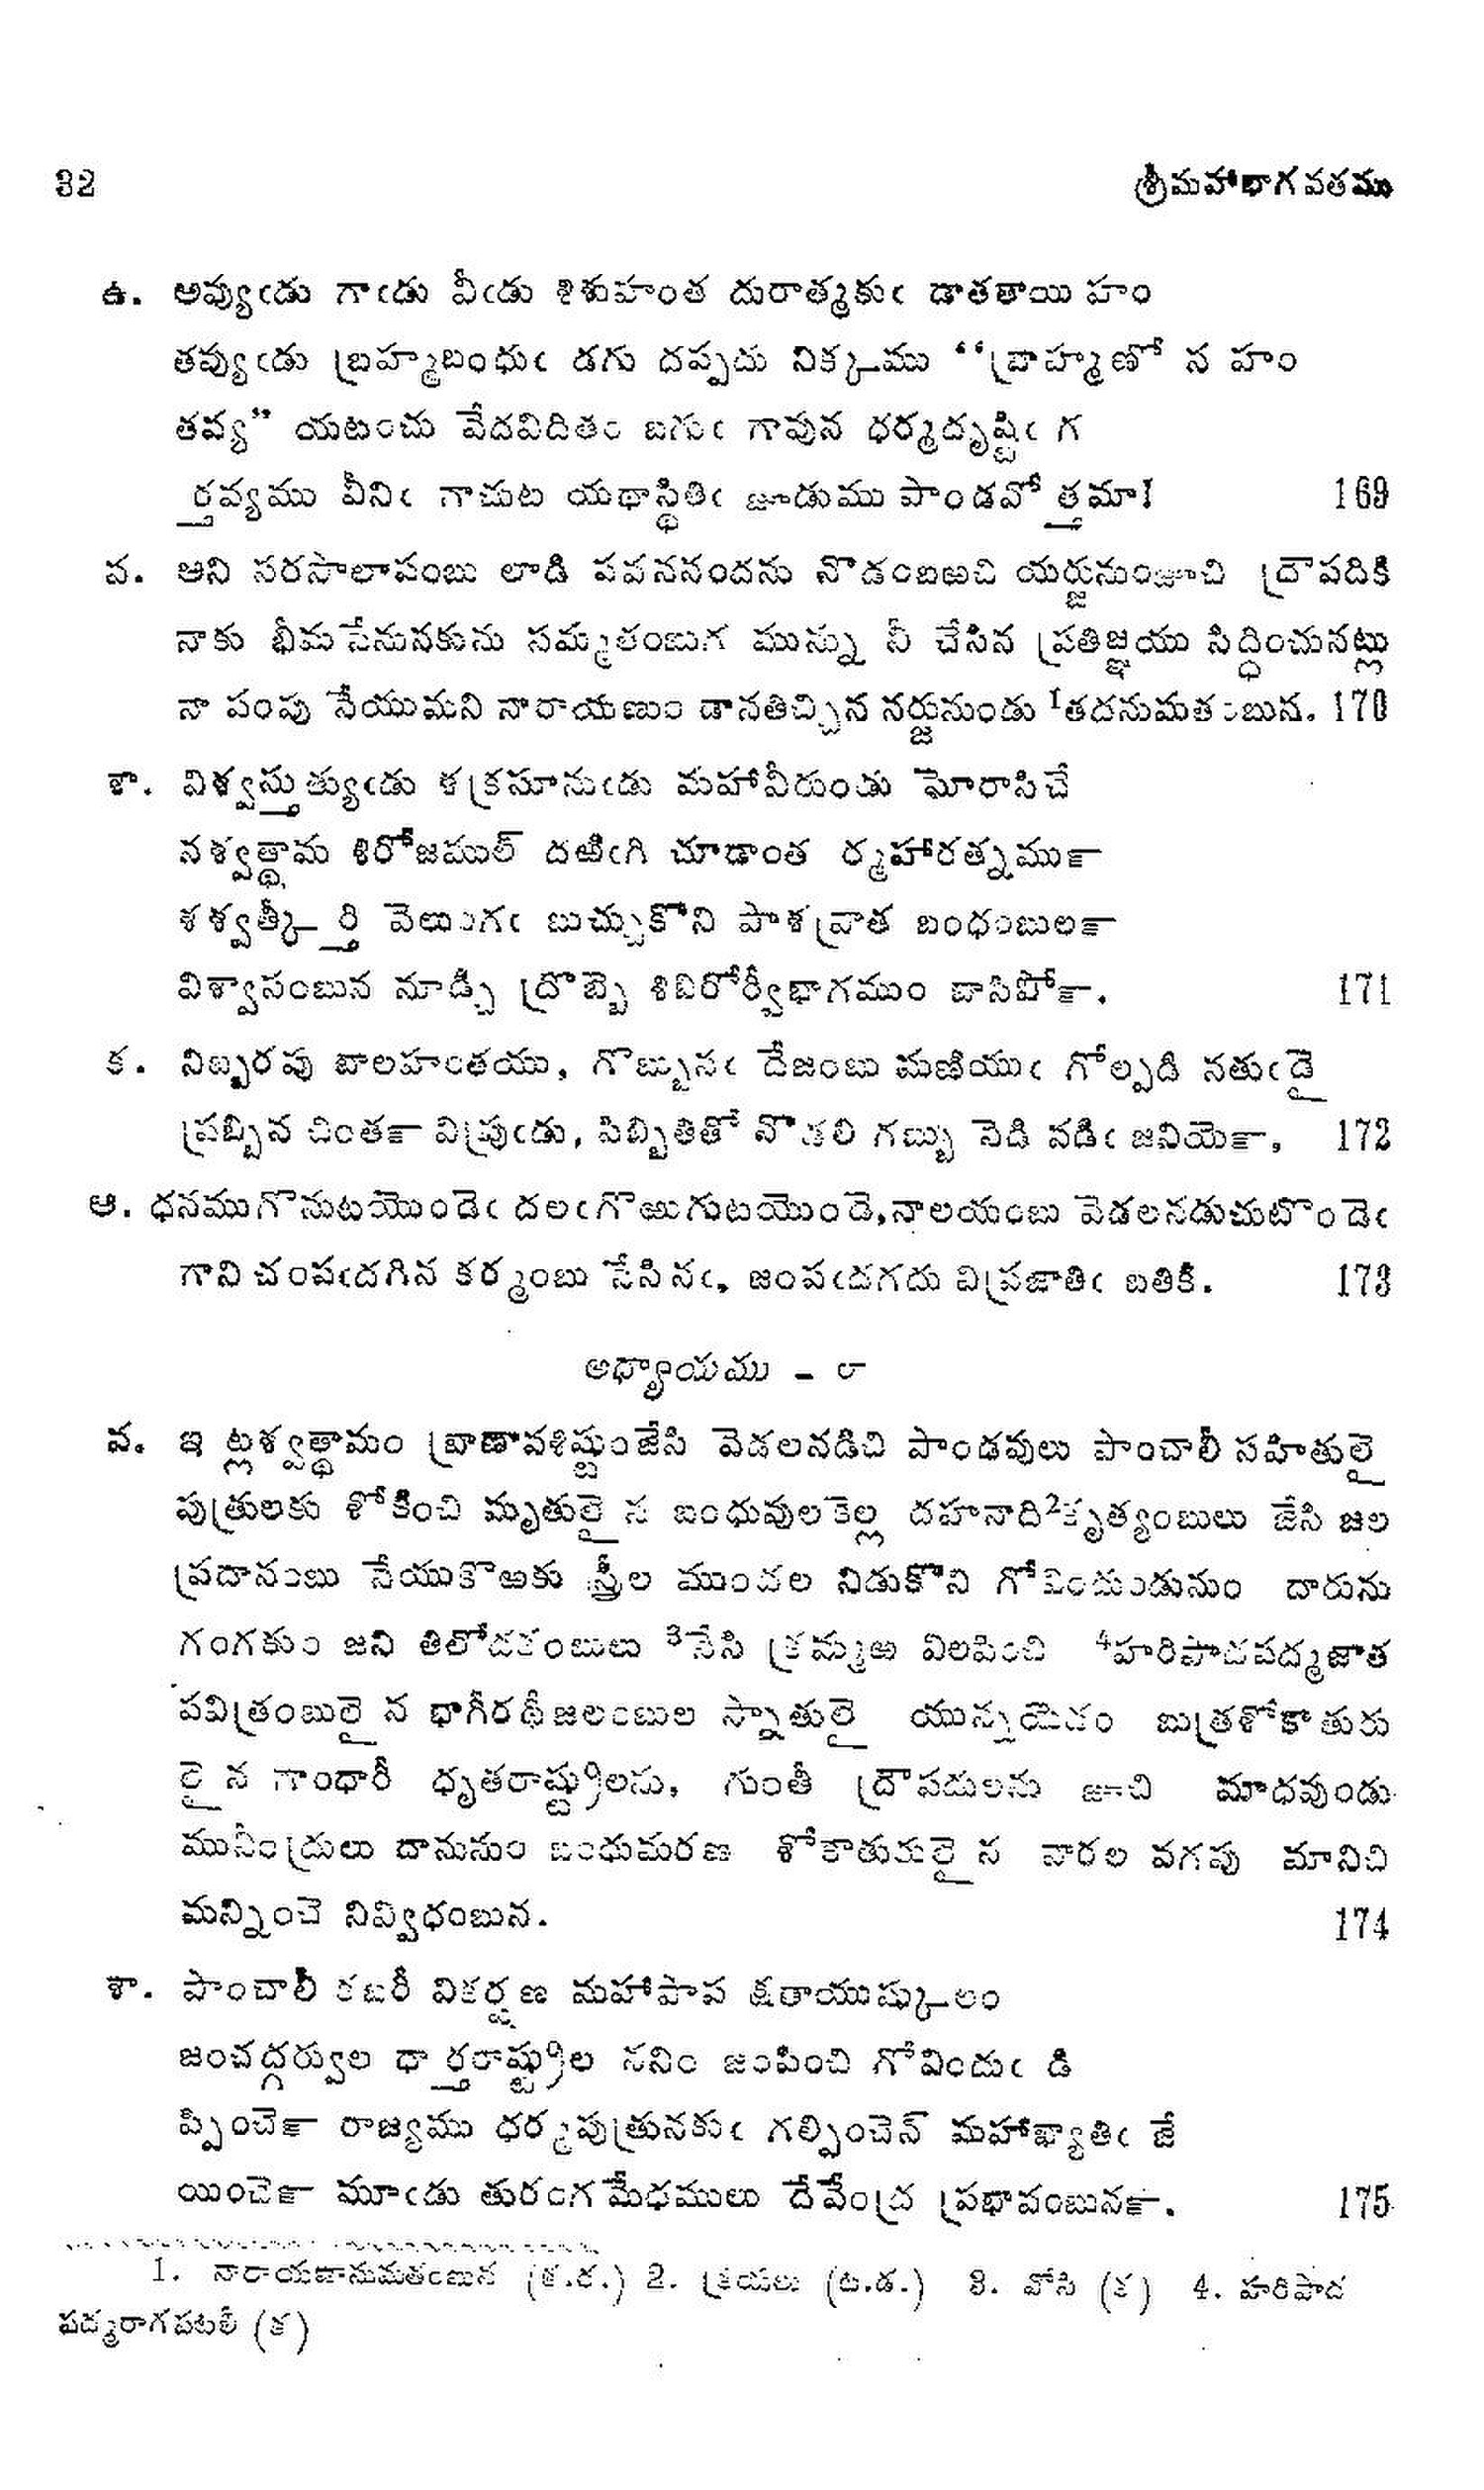32

ఉ. అవ్యుఁడు గాఁడు వీఁడు ; శిశుహంత దురాత్మకుఁ డాతతాయి హం

తవ్యుఁడు బ్రహ్మబంధుఁ డగుఁ దప్పదు నిక్కము ; "బ్రాహ్మణో న హం

తవ్య" యటంచు వేదవిదితంబగుఁ ; గావున ధర్మదృష్టిఁ గ

ర్తవ్యము వీనిఁ గాచుట యథాస్థితిఁ జూడుము పాండవోత్తమా ! (1-169)

వ. అని సరసాలాపంబులాడి పవన నందను నొడంబఱచి యర్జునుం జూచి "ద్రౌపదికి నాకు భీమసేనునకును సమ్మతంబుగ మున్ను నీ చేసిన ప్రతిజ్ఞయు సిద్ధించునట్లు నా పంపు సేయు"మని నారాయణుం డానతిచ్చిన నర్జునుండు తదనుమతంబున, (1-170)

శా. విశ్వస్తుత్యుఁడు శక్రసూనుఁడు మహా వీరుండు ఘోరాసిచే

నశ్వత్థామ శిరోజముల్ దఱిఁగి చూడాంతర్ మహారత్నమున్

శశ్వత్‌కీర్తి వెలుంగఁ బుచ్చుకొని పాశవ్రాత బంధంబులన్

విశ్వాసంబున నూడ్చి ద్రొబ్బె శిబిరోర్వీ భాగముం బాసిపోన్. (1-171)

కం. నిబ్బరపు బాలహంతయు, గొబ్బునఁ దేజంబు మఱియుఁ గోల్పడి నతుఁడై

ప్రబ్బిన చింతన్ విప్రుఁడు, సిబ్బితితో నొడలి గబ్బు సెడి వడిఁ జనియెన్. (1-172)

ఆ.వె. ధనముఁ గొనుట యొండె తల గొఱుగుట యొండె, యాలయంబు వెడల నడచుటొండె

కాని చంపఁదగినయట్టి కర్మంబు సేసినఁ , జంపఁదగదు విప్రజాతిఁ బతికి. (1-173)

వ. ఇ ట్లశ్వత్థామం బ్రాణావశిష్టుం జేసి వెడలనడచి పాండవులు పాంచాలీసహితులై పుత్త్రులకు శోకించి మృతులైన బంధువులకెల్ల దహనాది కృత్యంబులు జేసి జలప్రదానంబు సేయు కొఱకు స్త్రీల ముందల నిడుకొని గోవిందుండునుం దారును గంగకుం జని తిలోదకంబులు సేసి క్రమ్మఱ విలపించి హరిపాద పద్మజాత పవిత్రంబులైన భాగీరథీ జలంబుల స్నాతులై యున్నయెడం బుత్త్రశోకాతురులైన గాంధారీ డృతరాష్ట్రులను గుంతీద్రౌపదులను జూచి మాధవుండు మునీంద్రులుం దానునుం బంధుమరణ శోకాతురులైన వారల వగపు మానిచి మన్నించె, నివ్విధంబున, (1-174)

శా. పాంచాలీ కబరీ వికర్షణ మహాపాప క్షతాయుష్కులం

జంచద్‌గర్వుల ధార్తరాష్ట్రుల ననిం జంపించి గోవిందుఁ డి

ప్పించెన్ రాజ్యము, ధర్మపుత్త్రునకుఁ గల్పించెన్ మహాఖ్యాతిఁ, జే

యించెన్ మూఁడు తురంగమేధములు దేవేంద్ర ప్రభావంబునన్. (1-175)